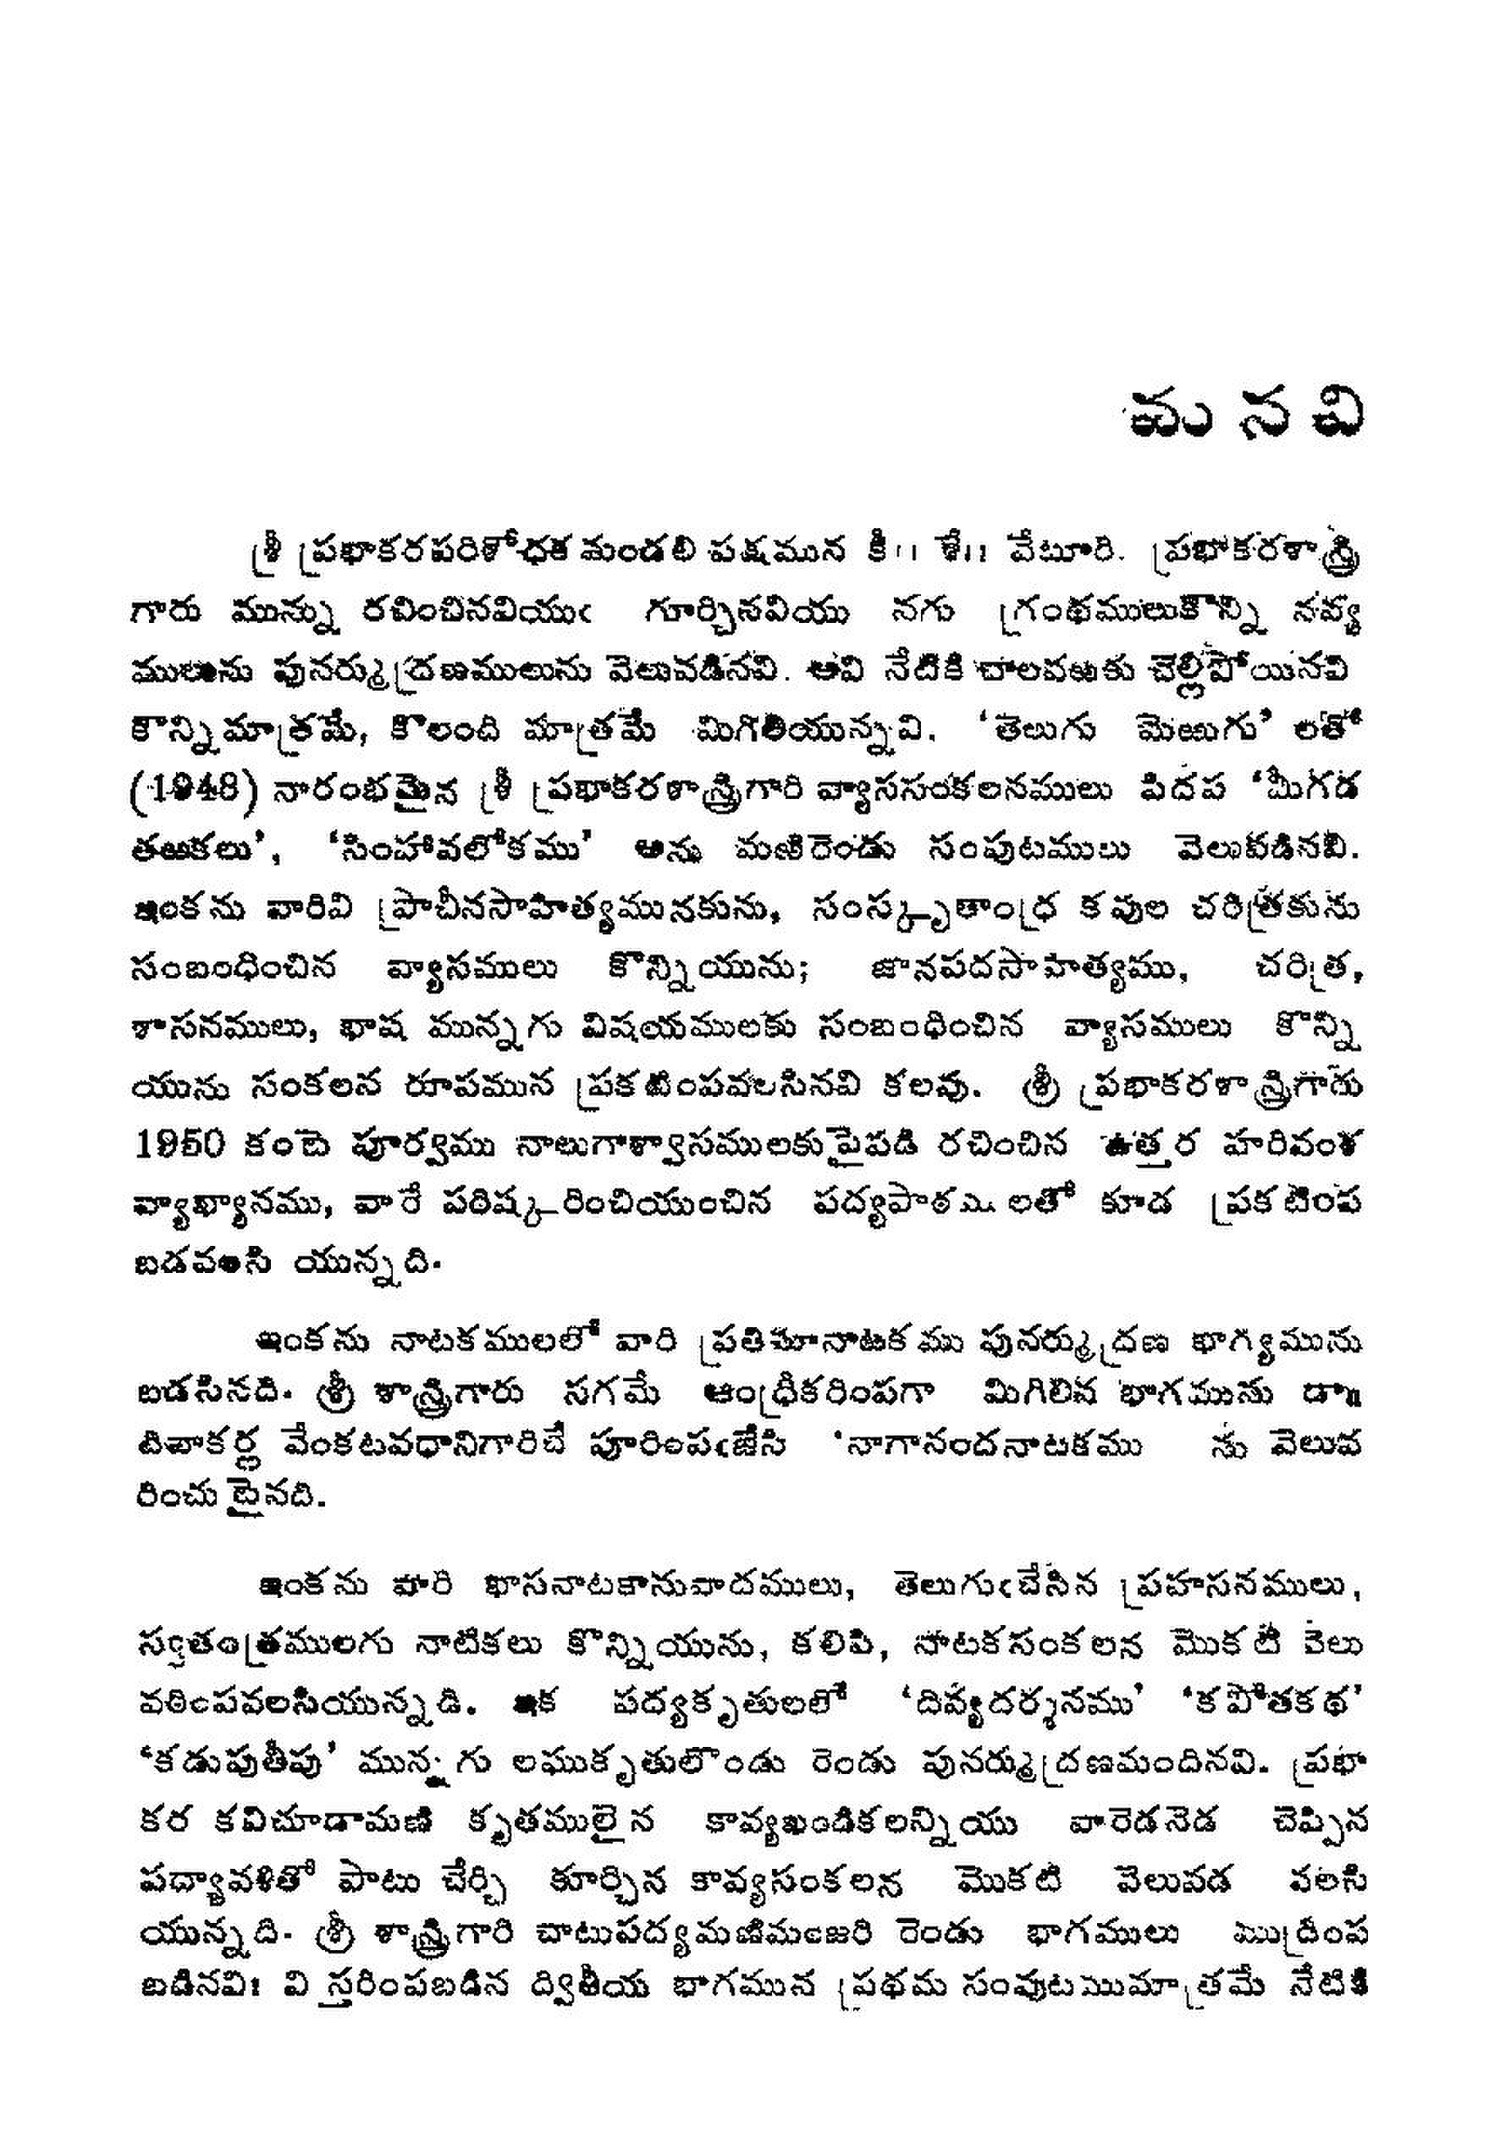మనవి

శ్రీ ప్రభాకరపరిశోధకమండలి పక్షమున కీ॥ శే॥ వేటూరి ప్రభాకరశాస్త్రి గారు మున్ను రచించినవియుఁ గూర్చినవియు నగు గ్రంథములు కొన్ని నవ్యములును పునర్ముద్రణములును వెలువడినవి. అవి నేటికి చాలవఱకు చెల్లిపోయినవి కొన్ని మాత్రమే, కొలంది మాత్రమే మిగిలియున్నవి. “తెలుగు మెఱుగు' లతో (1948) నారంభమైన శ్రీ ప్రభాకరశాస్త్రి గారి వ్యాససంకలనములు పిదప 'మీగడ తఱకలు', 'సింహావలోకము' అను మఱిరెండు సంపుటములు వెలువడినవి. ఇంకను వారివి ప్రాచీనసాహిత్యమునకును, సంస్కృతాంధ్ర కవుల చరిత్రకును సంబంధించిన వ్యాసములు కొన్నియును; జానపదసాహిత్యము, చరిత్ర, శాసనములు, భాష మున్నగు విషయములకు సంబంధించిన వ్యాసములు కొన్నియును సంకలన రూపమున ప్రకటింపవలసినవి కలవు. శ్రీ ప్రభాకరశాస్త్రి గారు 1950 కంటె పూర్వము నాలుగాశ్వాసములకుపైపడి రచించిన ఉత్తర హరివంశ వ్యాఖ్యానము, వారే పరిష్కరించియుంచిన పద్యపాఠములతో కూడ ప్రకటింపబడవలిసి యున్నది.

ఇంకను నాటకములలో వారి ప్రతిమానాటకము పునర్ముద్రణ భాగ్యమును బడసినది. శ్రీ శాస్త్రిగారు సగమే ఆంధ్రీకరింపగా మిగిలిన భాగమును డా॥ దివాకర్ల వేంకటవధానిగారిచే పూరింపఁజేసి నాగానందనాటకము ను వెలువరించు టైనది.

ఇంకను వారి భాసనాటకానువాదములు, తెలుఁగుచేసిన ప్రహసనములు, స్వతంత్రములగు నాటికలు కొన్నియును, కలిపి, నాటకసంకలన మొకటి వెలువరింపవలసియున్నది. ఇక పద్యకృతులలో 'దివ్యదర్శనము' 'కపోతకథ' 'కడుపుతీపు' మున్నగు లఘుకృతులొండు రెండు పునర్ముద్రణమందినవి. ప్రభాకర కవిచూడామణి కృతములైన కావ్యఖండికలన్నియు వారెడనెడ చెప్పిన పద్యావళితో పాటు చేర్చి కూర్చిన కావ్యసంకలన మొకటి వెలువడ వలసియున్నది. శ్రీ శాస్త్రి గారి చాటుపద్యమణిమంజరి రెండు భాగములు ముద్రింప బడినవి! విస్తరింపబడిన ద్వితీయ భాగమున ప్రథమ సంవుటము మాత్రమే నేటికి